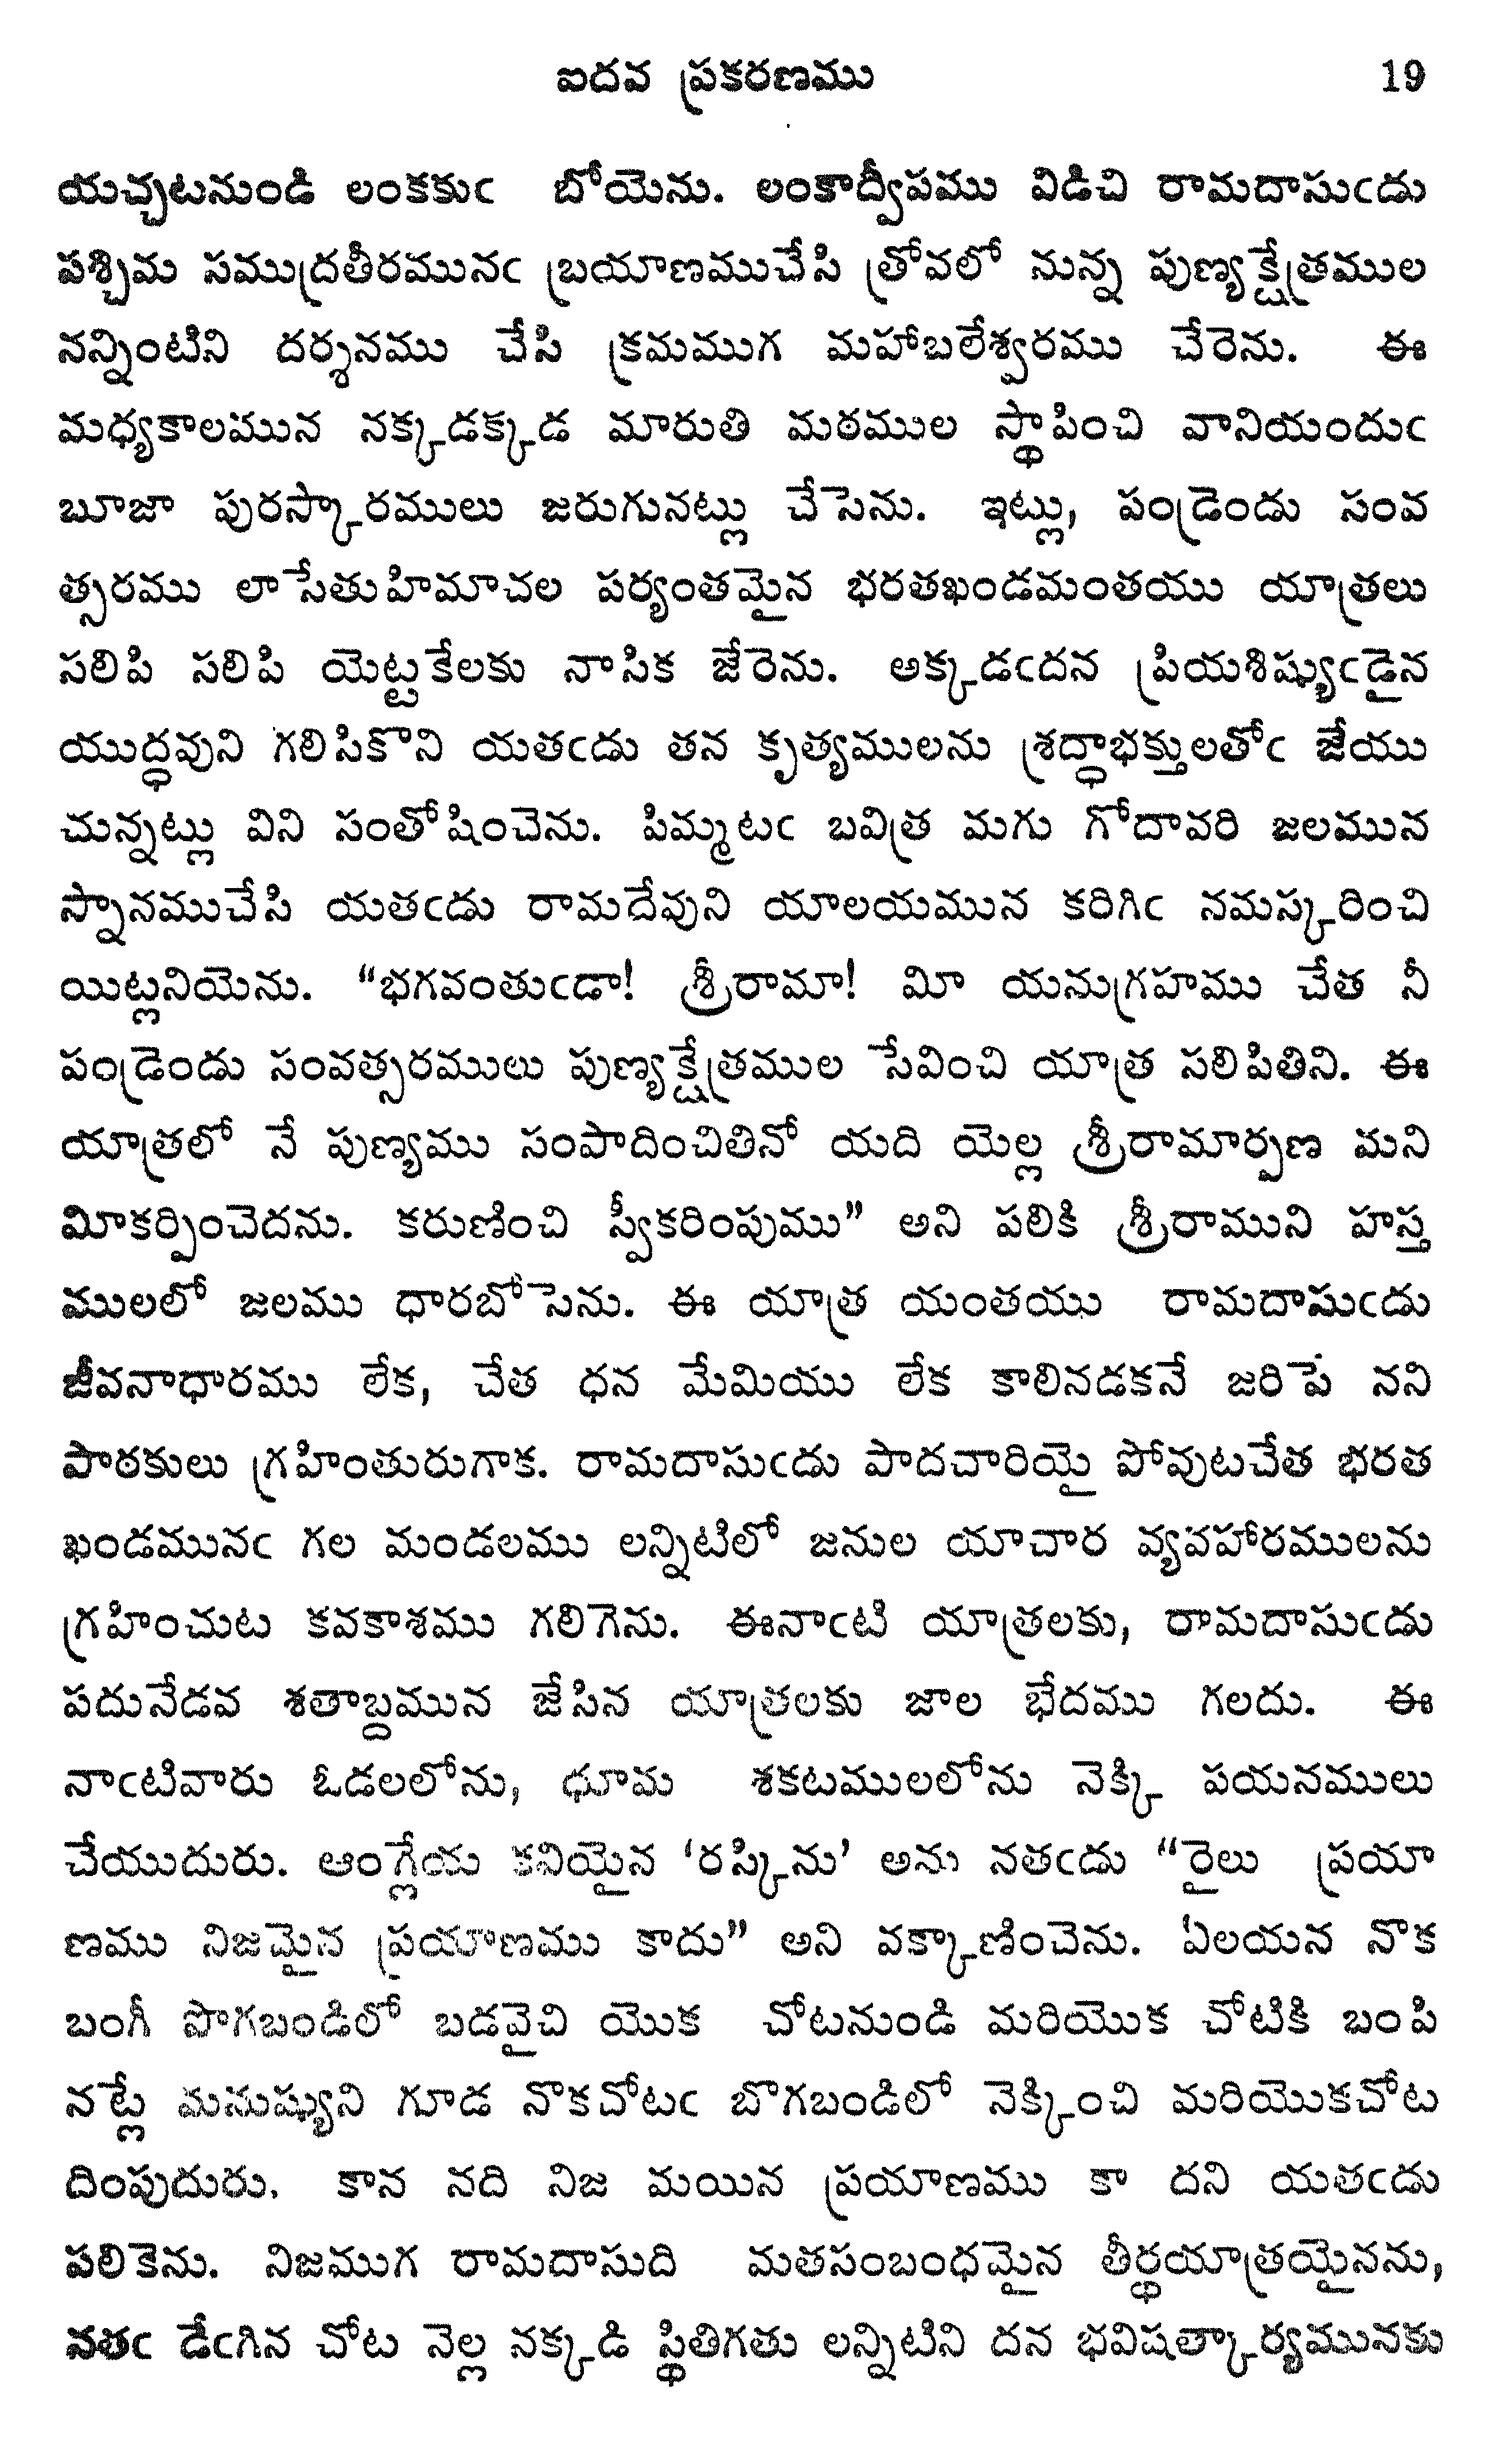యచ్చటనుండి లంకకు బోయెను. లంకద్వీపము విడిచి రామదాసుడు పశ్చిమ సముద్రతీరమున బ్రయాణముచేసి త్రోవలో నున్న పుణ్యక్షేత్రముల నన్నింటిని దర్శనము చేసి క్రమముగ మహాబలేశ్వరము చేరెను. ఈ మధ్యకాలమున నక్కడక్కడ మారుతి మఠముల స్థాపించి వానియందు బూజా పురస్కారములు జరుగునట్లు చేసెను. ఇట్లు, పండ్రెండు సంవత్సరము లాసేతుహిమాచల పర్యంతమైన భరతఖండమంతయు యాత్రలు సలిపి సలిపి యెట్టకేలకు నాసిక జేరెను. అక్కడదన ప్రియశిష్యుడైన యుద్ధవుని గలిసికొని యతడు తన కృత్యములను శ్రద్ధాభక్తులతో జేయుచున్నట్లు విని సంతోషించెను. పిమ్మట బవిత్ర మగు గొదావరి జలమున స్నానముచేసి యతడు రామదేవుని యాలయమున కరిగి నమస్కరించి యిట్లనియెను. "భగవంతుడా! శ్రీరామా! మీ యనుగ్రహము చేత నీ పండ్రెండు సంవత్సరములు పుణ్యక్షేత్రముల సేవించి యాత్ర సలిపితిని. ఈ యాత్రలో నే పుణ్యము సంపాదించితినో యది యెల్ల శ్రీరామార్పణ మని మీకర్పించెదను. కరుణించి స్వీకరింపుము" అని పలికి శ్రీరాముని హస్తములలో జలము ధారబోసెను. ఈ యాత్ర యంతయు రామదాసుడు జీవనాధారము లేక, చేత ధన మేమియు లేక కాలినడకనే జరిపె నని పాఠకులు గ్రహింతురుగాక. రామదాసుడు పాదచారియై పోవుటచేత భరత ఖండమున గల మండలము లన్నిటిలో జనుల యాచార వ్యవహారములను గ్రహించుట కవకాశము గలిగెను. ఈనాటి యాత్రలకు, రామదాసుడు పదునేడవ శతాబ్దమున జేసిన యాత్రలకు జాల భేదము గలదు. ఈ నాటివారు. ఓడలలోను, ధూమ శకటములలోను నెక్కి పయనములు చేయుదురు. ఆంగ్లేయ కనియైన 'రస్కిను' అను నతడు "రైలు ప్రయాణము నిజమైన ప్రయాణము కాదు" అని వక్కాణించెను. ఏలయన నొక బంగీ పొగబండిలో బడవైచి యొక చోటనుండి మరియొక చోటికి బంపినట్లే మనుష్యుని గూడ నొకచోట బొగబండిలో నెక్కించి మరియొకచోట దింపుదురు. కాన నది నిజ మయిన ప్రయాణము కా దని యతడు పలికెను. నిజముగ రామదాసుని మతసంబంధమైన తీర్థయాత్రయైనను, నత డేగిన చోట నెల్ల నక్కడి స్థితిగతు లన్నిటిని దన భవిషత్కార్యమునకు